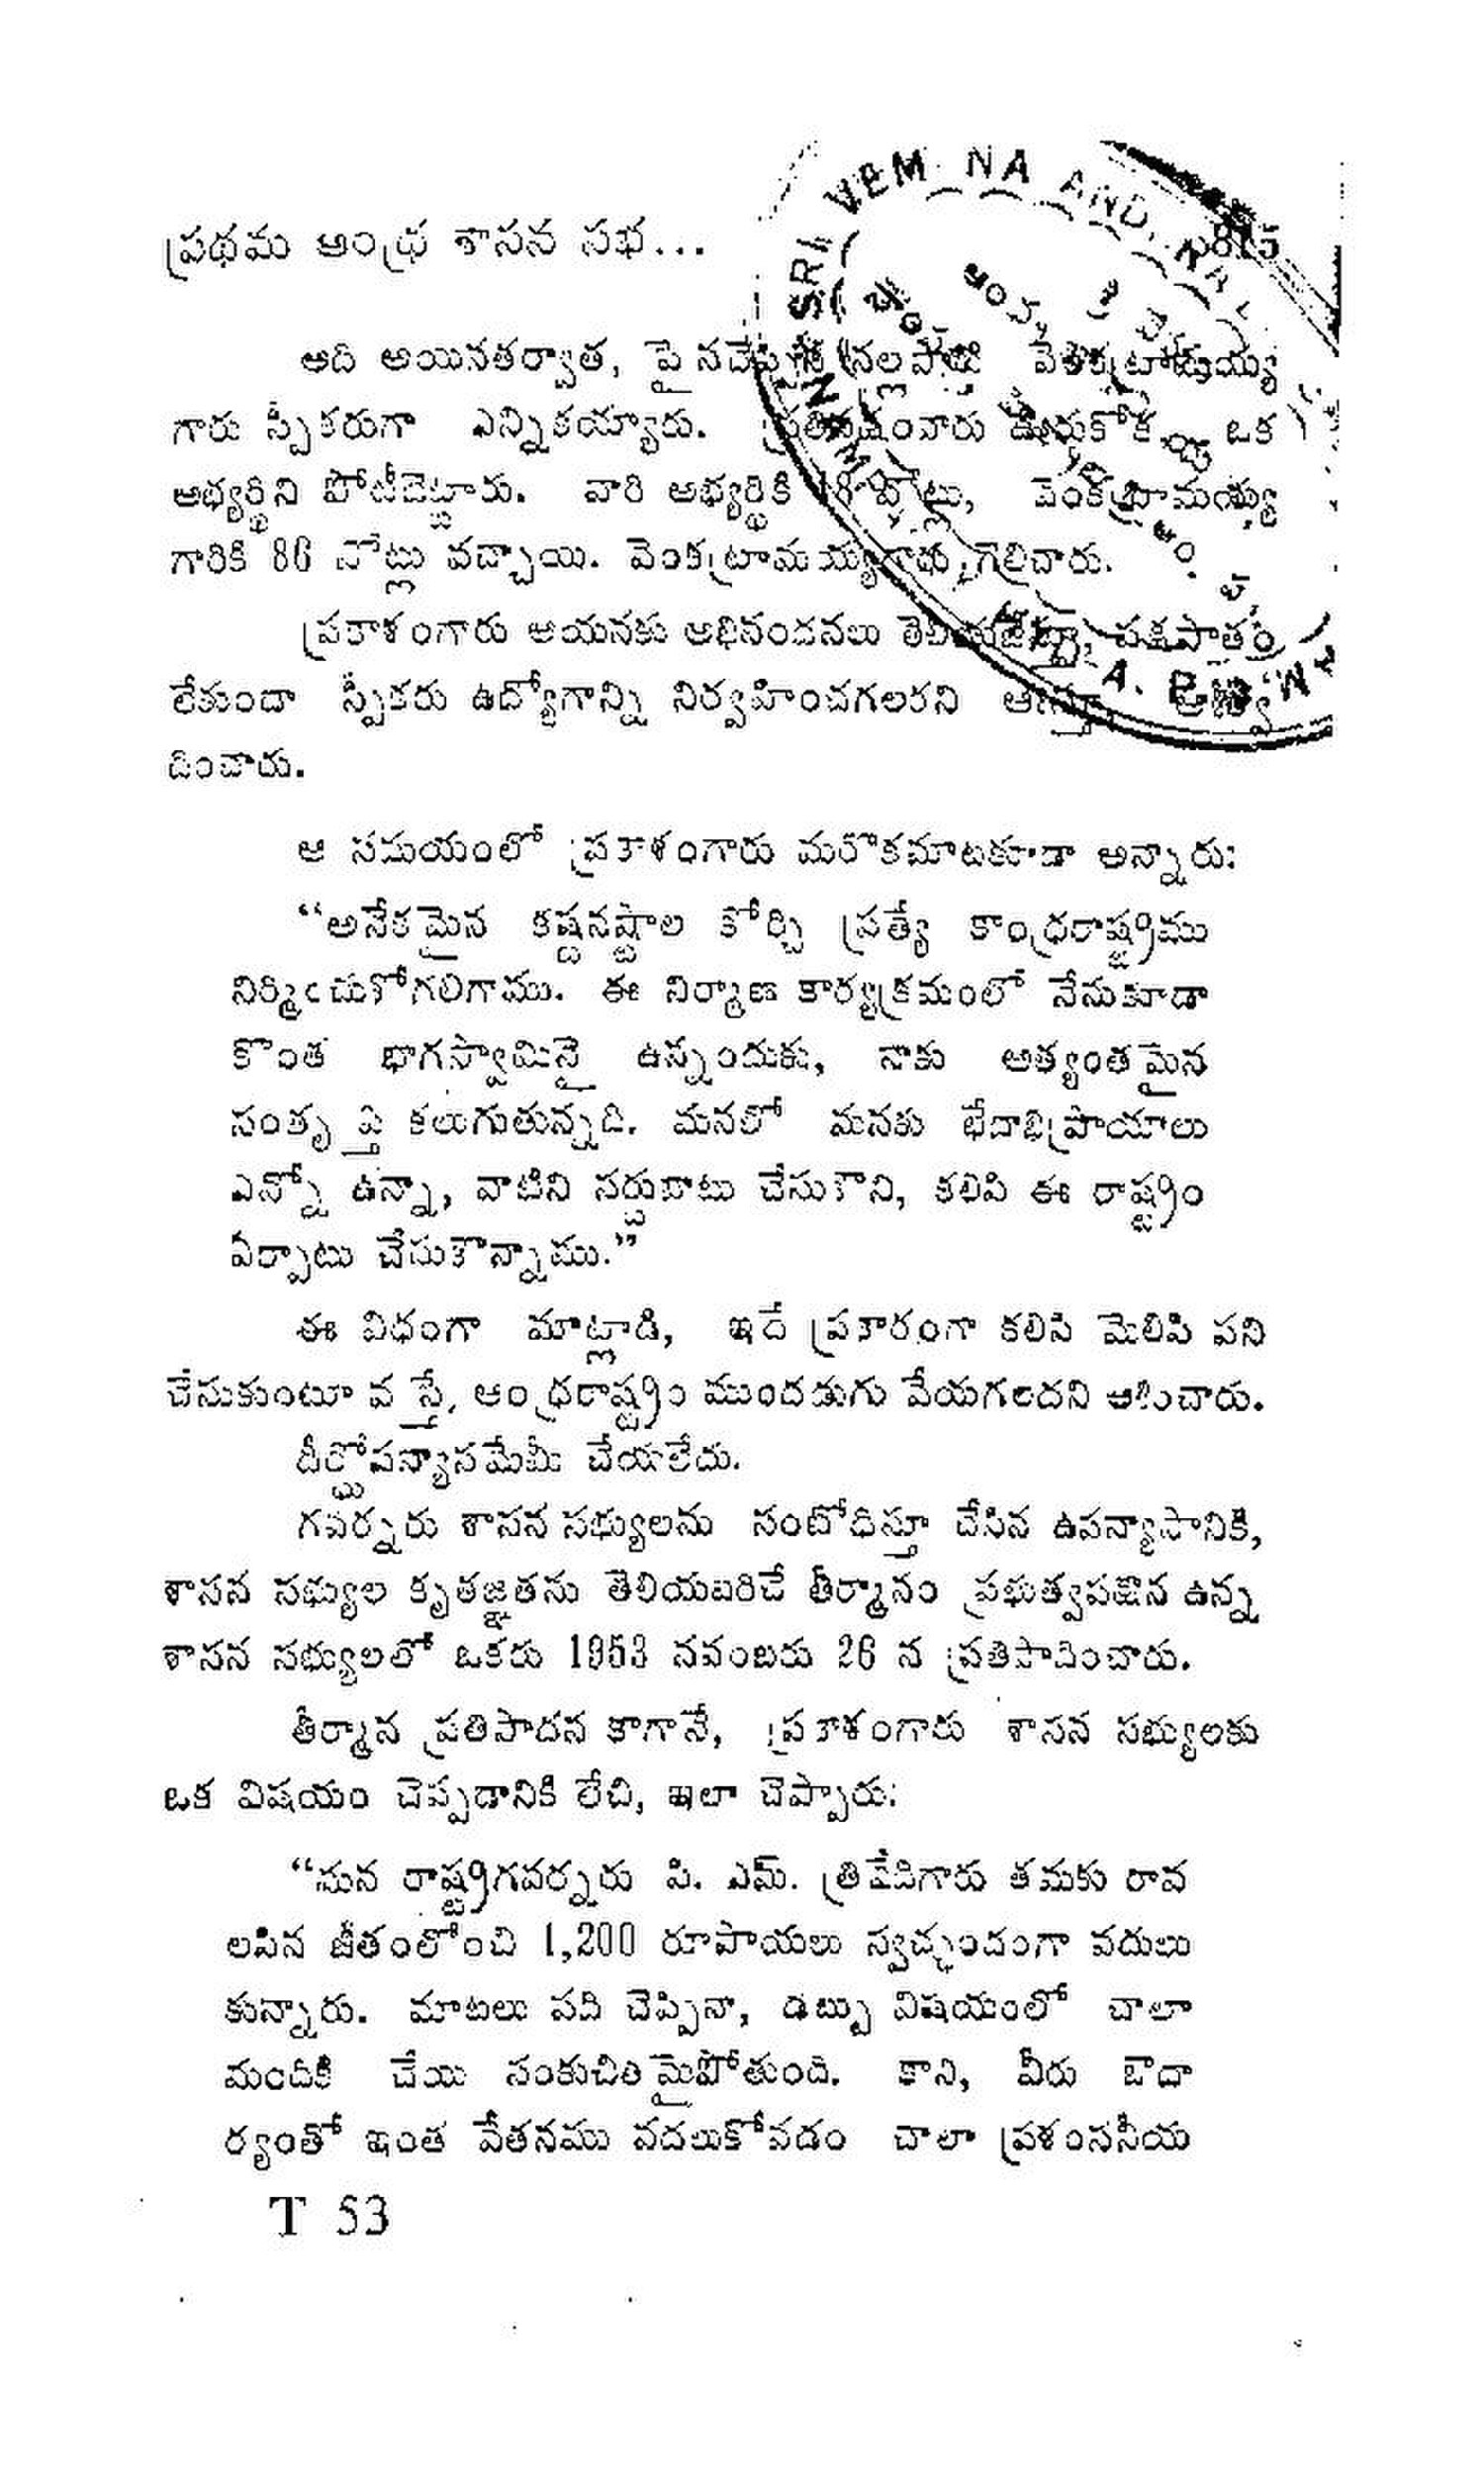అది అయినతర్వాత, పైనచెప్పిన నల్లపాటి వెంకట్రామయ్యగారు స్పీకరుగా ఎన్నికయ్యారు. ప్రతిపక్షంవారు ఊరుకోక ఒక అభ్యర్థిని పోటీబెట్టారు. వారి అభ్యర్థికి 48 వోట్లు, వెంకట్రామయ్యగారికి 86 వోట్లు వచ్చాయి. వెంకట్రామయ్యగారు గెలిచారు.

ప్రకాశంగారు ఆయనకు అభినందనలు తెలియజేస్తూ పక్షపాతం లేకుండా స్పీకరు ఉద్యోగాన్ని నిర్వహించగలరని ఆశిస్తూ ఆశీర్వదించారు.

ఆ సమయంలో ప్రకాశంగారు మరొకమాటకూడా అన్నారు:

"అనేకమైన కష్టనష్టాల కోర్చి ప్రత్యే కాంధ్రరాష్ట్రము నిర్మించుకోగలిగాము. ఈ నిర్మాణ కార్యక్రమంలో నేనుకూడా కొంత భాగస్వామినై ఉన్నందుకు, నాకు అత్యంతమైన సంతృప్తి కలుగుతున్నది. మనలో మనకు భేదాభిప్రాయాలు ఎన్నో ఉన్నా, వాటిని సర్దుబాటు చేసుకొని, కలిసి ఈ రాష్ట్రం ఏర్పాటు చేసుకొన్నాము."

ఈ విధంగా మాట్లాడి, ఇదే ప్రకారంగా కలిసి మెలిసి పని చేసుకుంటూ వస్తే, ఆంధ్రరాష్ట్రం ముందడుగు వేయగలదని ఆశించారు.

దీర్ఘోపన్యాసమేమీ చేయలేదు.

గవర్నరు శాసన సభ్యులను సంబోదిస్తూ చేసిన ఉపన్యాసానికి, శాసన సభ్యుల కృతజ్ఞతను తెలియపరిచే తీర్మానం ప్రభుత్వపక్షాన ఉన్న శాసన సభ్యులలో ఒకరు 1953 నవంబరు 26 న ప్రతిపాదించారు.

తీర్మాన ప్రతిపాదన కాగానే, ప్రకాశంగారు శాసన సభ్యులకు ఒక విషయం చెప్పడానికి లేచి, ఇలా చెప్పారు.

"మన రాష్ట్రగవర్నరు సి. ఎం. త్రివేదిగారు తమకు రావలసిన జీతంలోంచి 1,200 రూపాయలు స్వచ్చందంగా వదులుకున్నారు. మాటలు పది చెప్పినా, డబ్బు విషయంలో చాలా మందికి చేయి సంకుచితమైపోతుంది. కాని, వీరు ఔదార్యంతో ఇంత వేతనము వదలుకోవడం చాలా ప్రశంసనీయ